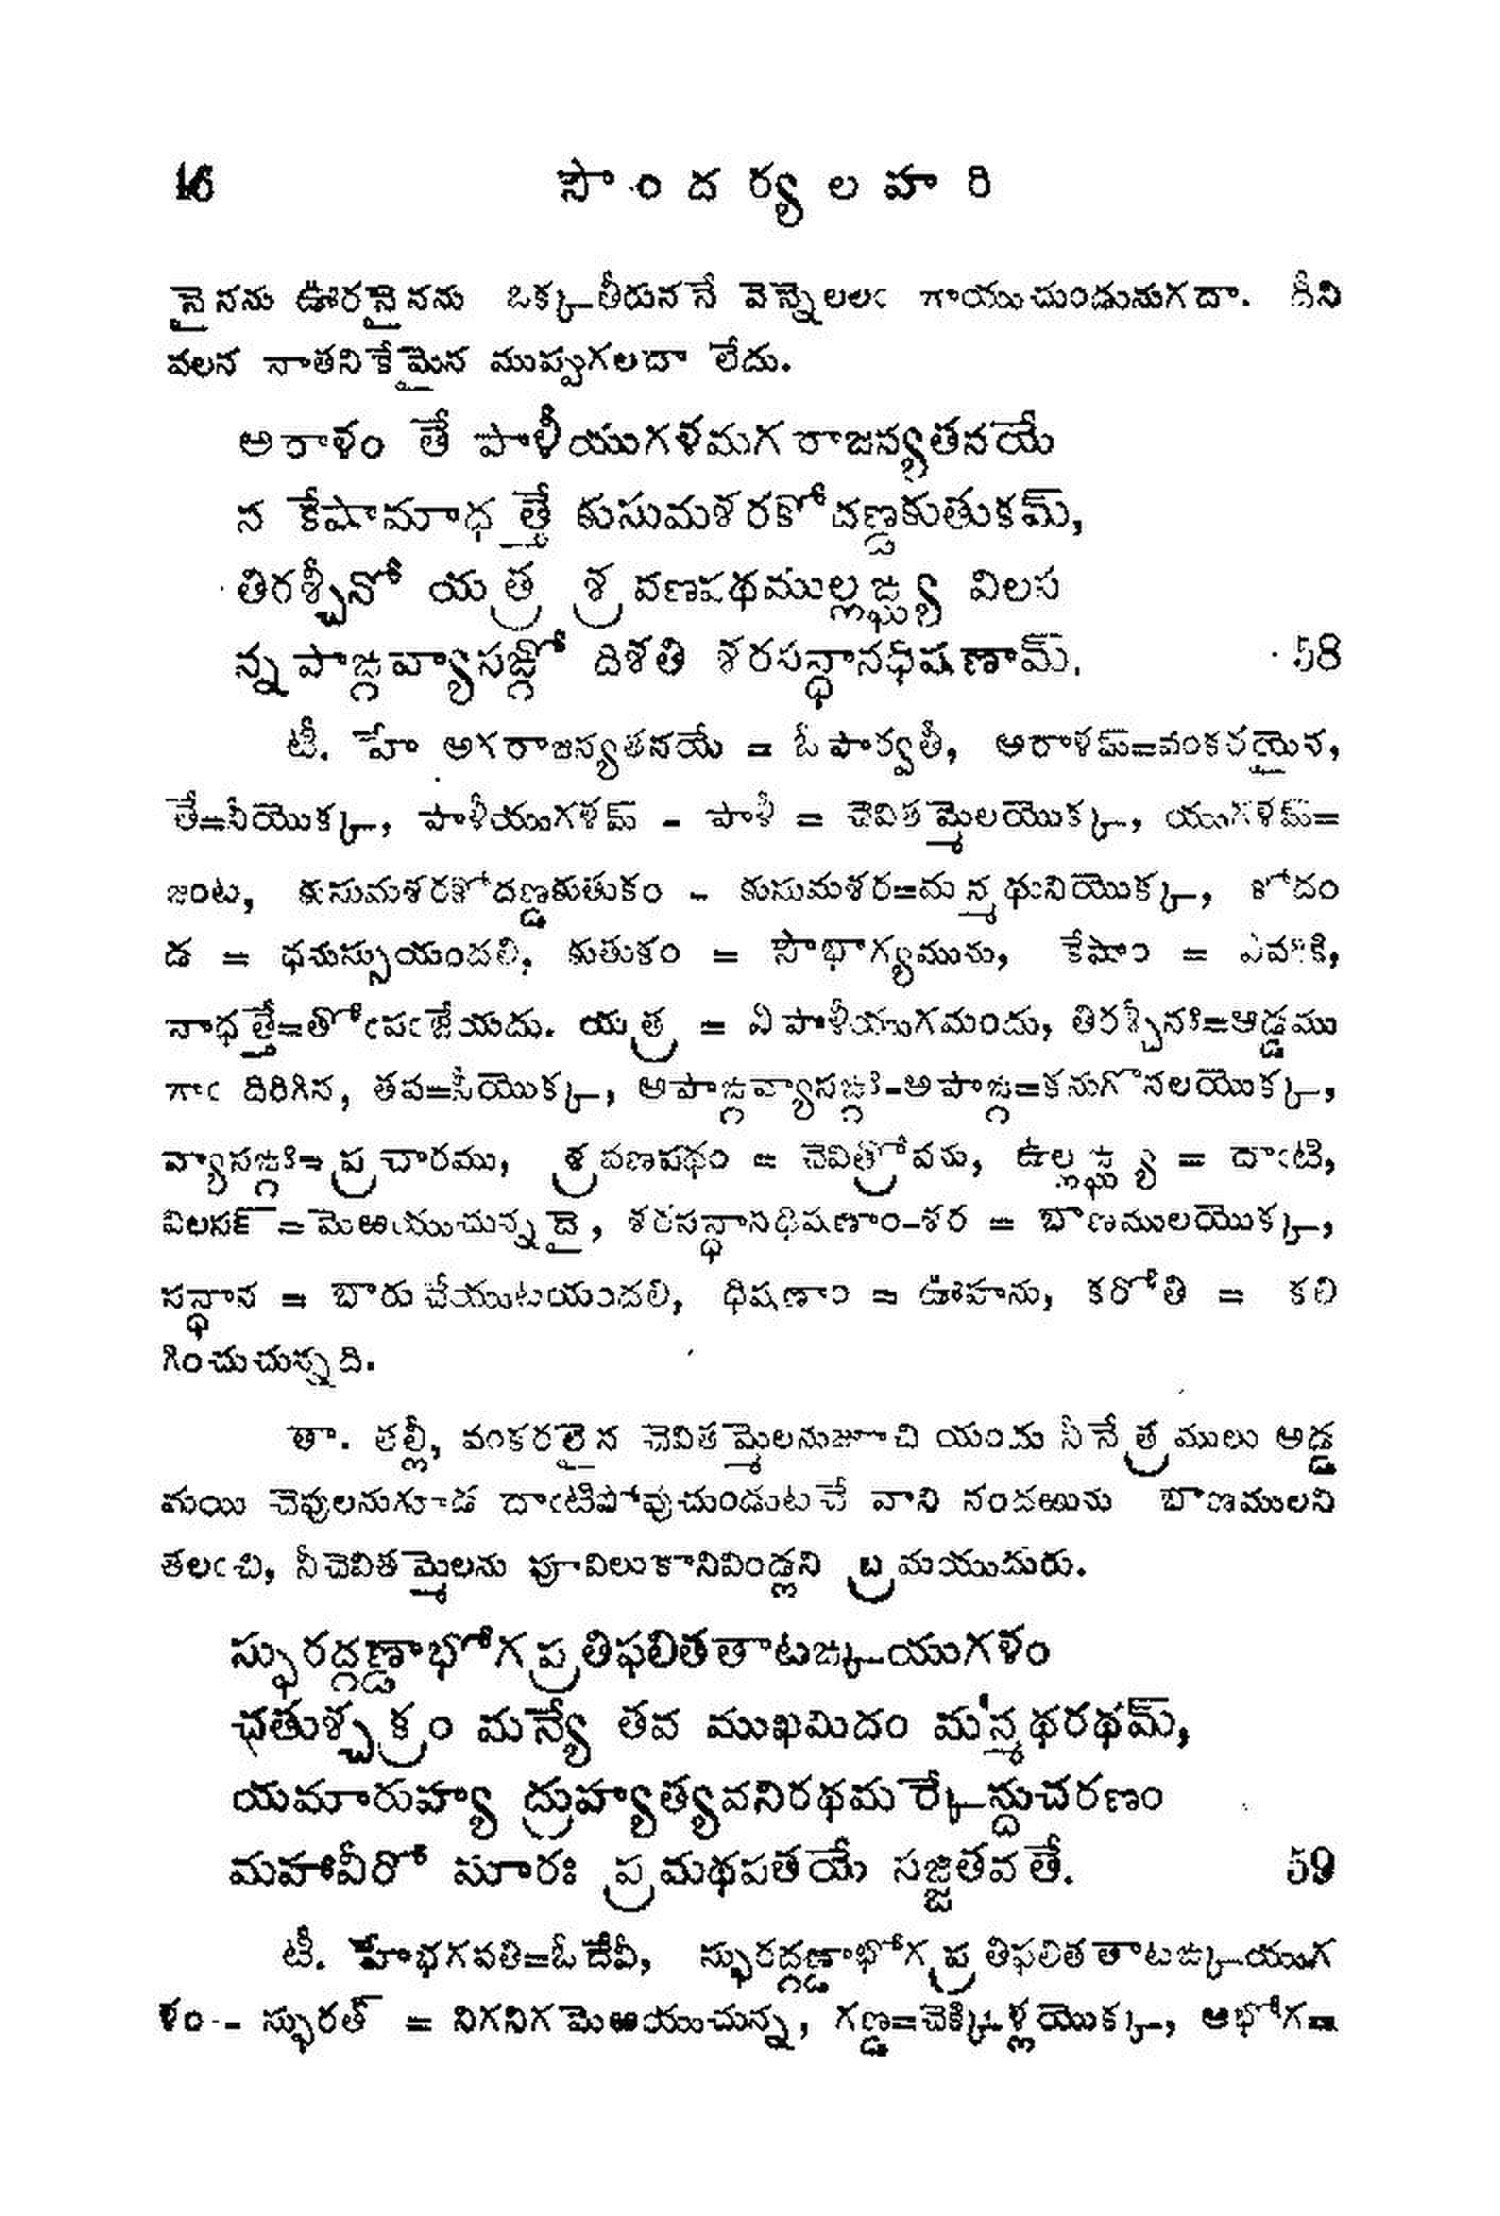నైనను ఊరనైనను ఒక్కతీరుననే వెన్నెలలఁ గాయుచుండునుగదా. దీనివలన నాతనికేమైన ముప్పుగలదా లేదు.

అరాళం తే పాళీయుగళమగరాజన్యతనయే
న కేషామాధత్తే కుసుమశరకోదణ్డకుతుకమ్,
తిరశ్చీనో యత్ర శ్రవణపథముల్లఙ్ఘ్య విలస
న్నపాఙ్గవ్యాసఙ్గో దిశతి శరసన్ధానధిషణామ్. 58
టీ. హే అగరాజన్యతనయే = ఓపార్వతీ, అరాళమ్ = వంకరయైన, తే = నీయొక్క, పాళీయుగళమ్-పాళీ = చెవితమ్మెలయొక్క, యుగళమ్ = జంట, కుసుమశరకోదణ్డకుతుకం-కుసుమశర = మన్మథునియొక్క, కోదండ = ధనుస్సుయందలి, కుతుకం = సౌభాగ్యమును, కేషాం = ఎవరికి, నాధత్తే = తోఁపఁజేయదు, యత్ర = ఏపాళీయుగమందు, తిరశ్చీనః = అడ్డముగాఁదిరిగిన, తవ = నీయొక్క, అపాఙ్గవ్యాసఙ్గః-అపాఙ్గ = కనుగొనలయొక్క, వ్యాసఙ్గః = ప్రచారము, శ్రవణపథం = చెవిత్రోవను, ఉల్లఙ్ఘ్య = దాఁటి, విలసన్ = మెఱయుచున్నదై, శరసన్ధానధిషణాం-శర = బాణములయొక్క, సన్ధాన = బారుచేయుటయందలి, ధిషణాం = ఊహను, కరోతి = కలిగించుచున్నది.

తా. తల్లీ, వంకరలైన చెవితమ్మెలనుజూచి యందు నీనేత్రములు అడ్డమయి చెవులనుగూడ దాఁటిపోవుచుండుటచే వాని నందఱును బాణములని తలఁచి, నీచెవితమ్మెలను పూవిలుకానివిండ్లని బ్రమయుదురు.

స్ఫురద్గణ్డాభోగప్రతిఫలితతాటఙ్కయుగళం
చతుశ్చక్రం మన్యే తవ ముఖమిదం మన్మథరథమ్,
యమారుహ్య ద్రుహ్యత్యవనిరథమర్కేన్దుచరణం
మహావీరో మారః ప్రమథపతయే సజ్జితవతే. 59
టీ. హేభగవతి = ఓదేవీ, స్ఫురద్గణ్డాభోగప్రతిఫలితతాటఙ్కయుగళం-స్ఫురత్ = నిగనిగమెఱయుచున్న, గణ్డ = చెక్కిళ్లయొక్క, ఆభోగ =